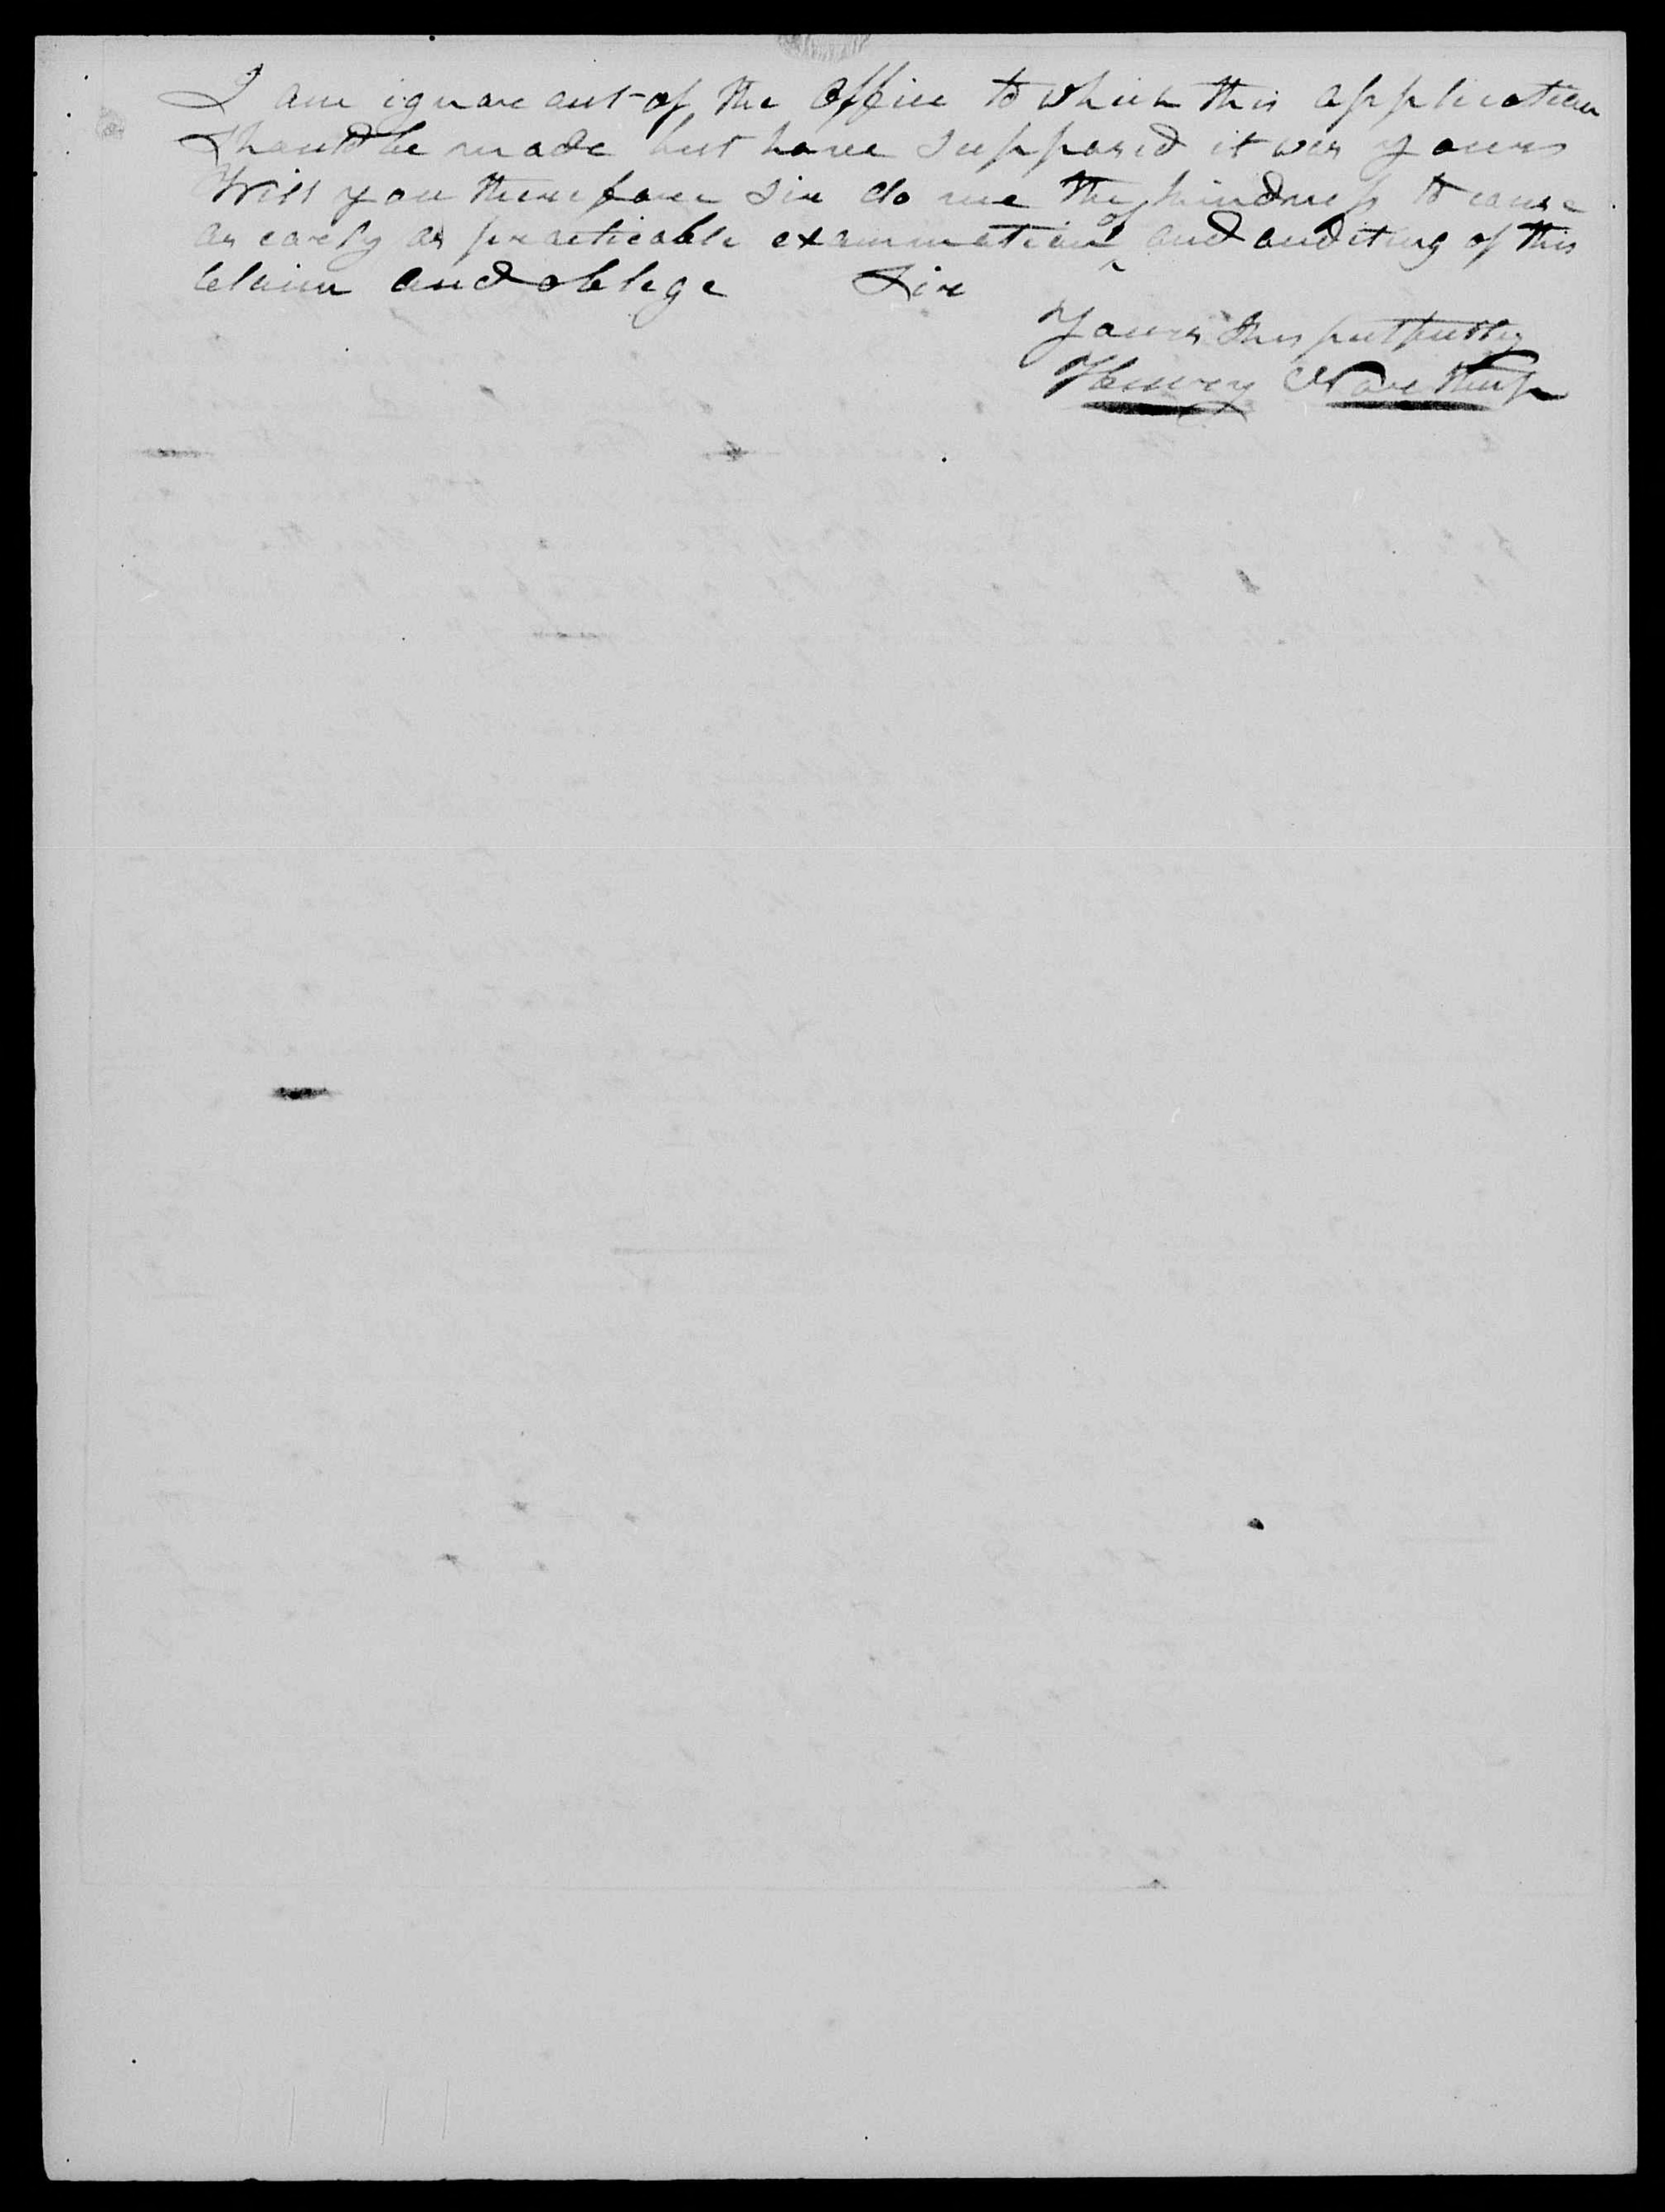I am ignorant of the office to which this application should be made but have supposed it was yours

Will you therefore Sir do me the kindness to cause as early as practicable examination of and auditing of this claim and oblige
Sir

Yours Sir Respectfully
Henry Northrup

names: Henry Northup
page: 61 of 62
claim: survivor's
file: S. 540, James Heard, Continental - New Jersey Residence In 1818